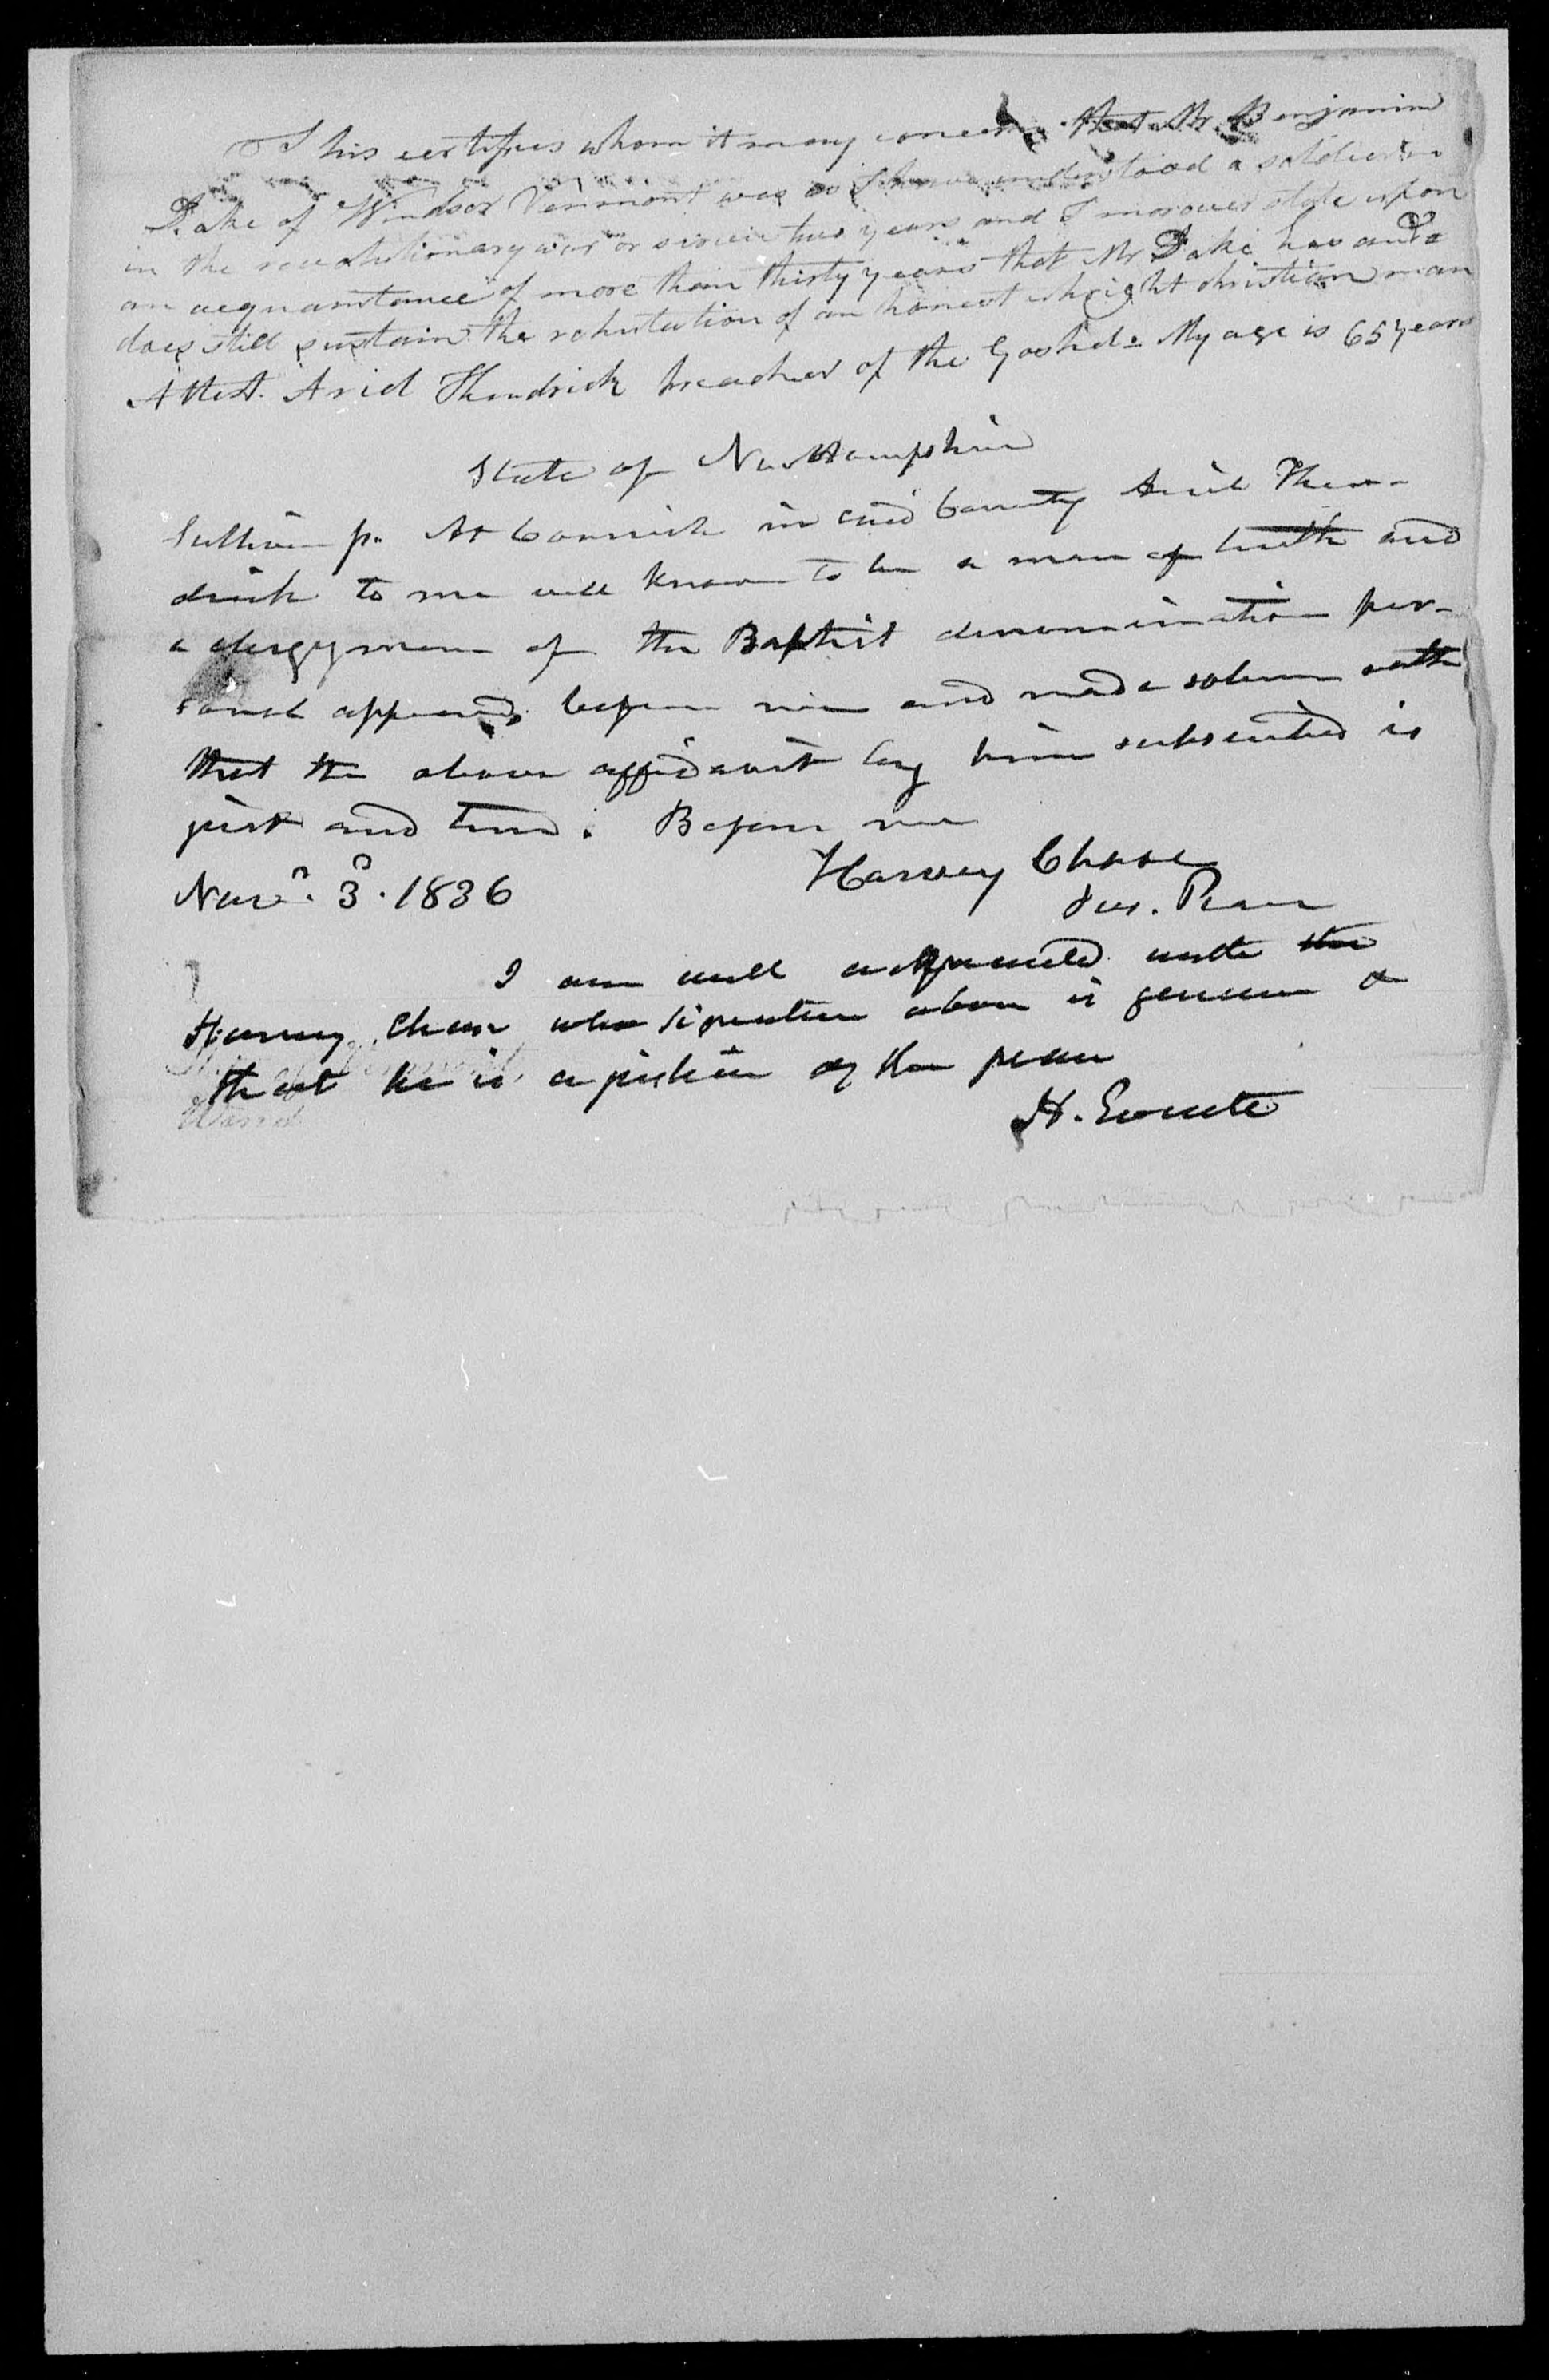This certifies whom it may concern that Mr. Benjamin Dake of Windsor Vermont was [illegible] understood a soldier in the Revolutionary War and served two years and [illegible] upon an acquaintance of more than thirty years that Mr Dake and does still sustain the reputation of an honest upright Christian man Attest Ariel Hendrick Preacher of the Gospel. My age is 65 years

State of New Hampshire
Sullivan [illegible] Garrick in said county [illegible] to me well known to be a man of truth adn a clergyman of the Baptist denomination personally appeared before me and made a solemn oath that the above affidavit by him subscribed  is just and true. Before me Harvey Chase Jus Peace Nov. 3. 1836 
I am well acquainted with this Harvey Chase whose deposition whose signature above is given that he is a [illegible] H. Everett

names: Ariel Hendrick, H Everett, Benjamin Dake, Harvey Chase, Harvey Chase, Dake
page: 16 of 42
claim: rejected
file: R. 2,625, Benjamin Dake, R.I.